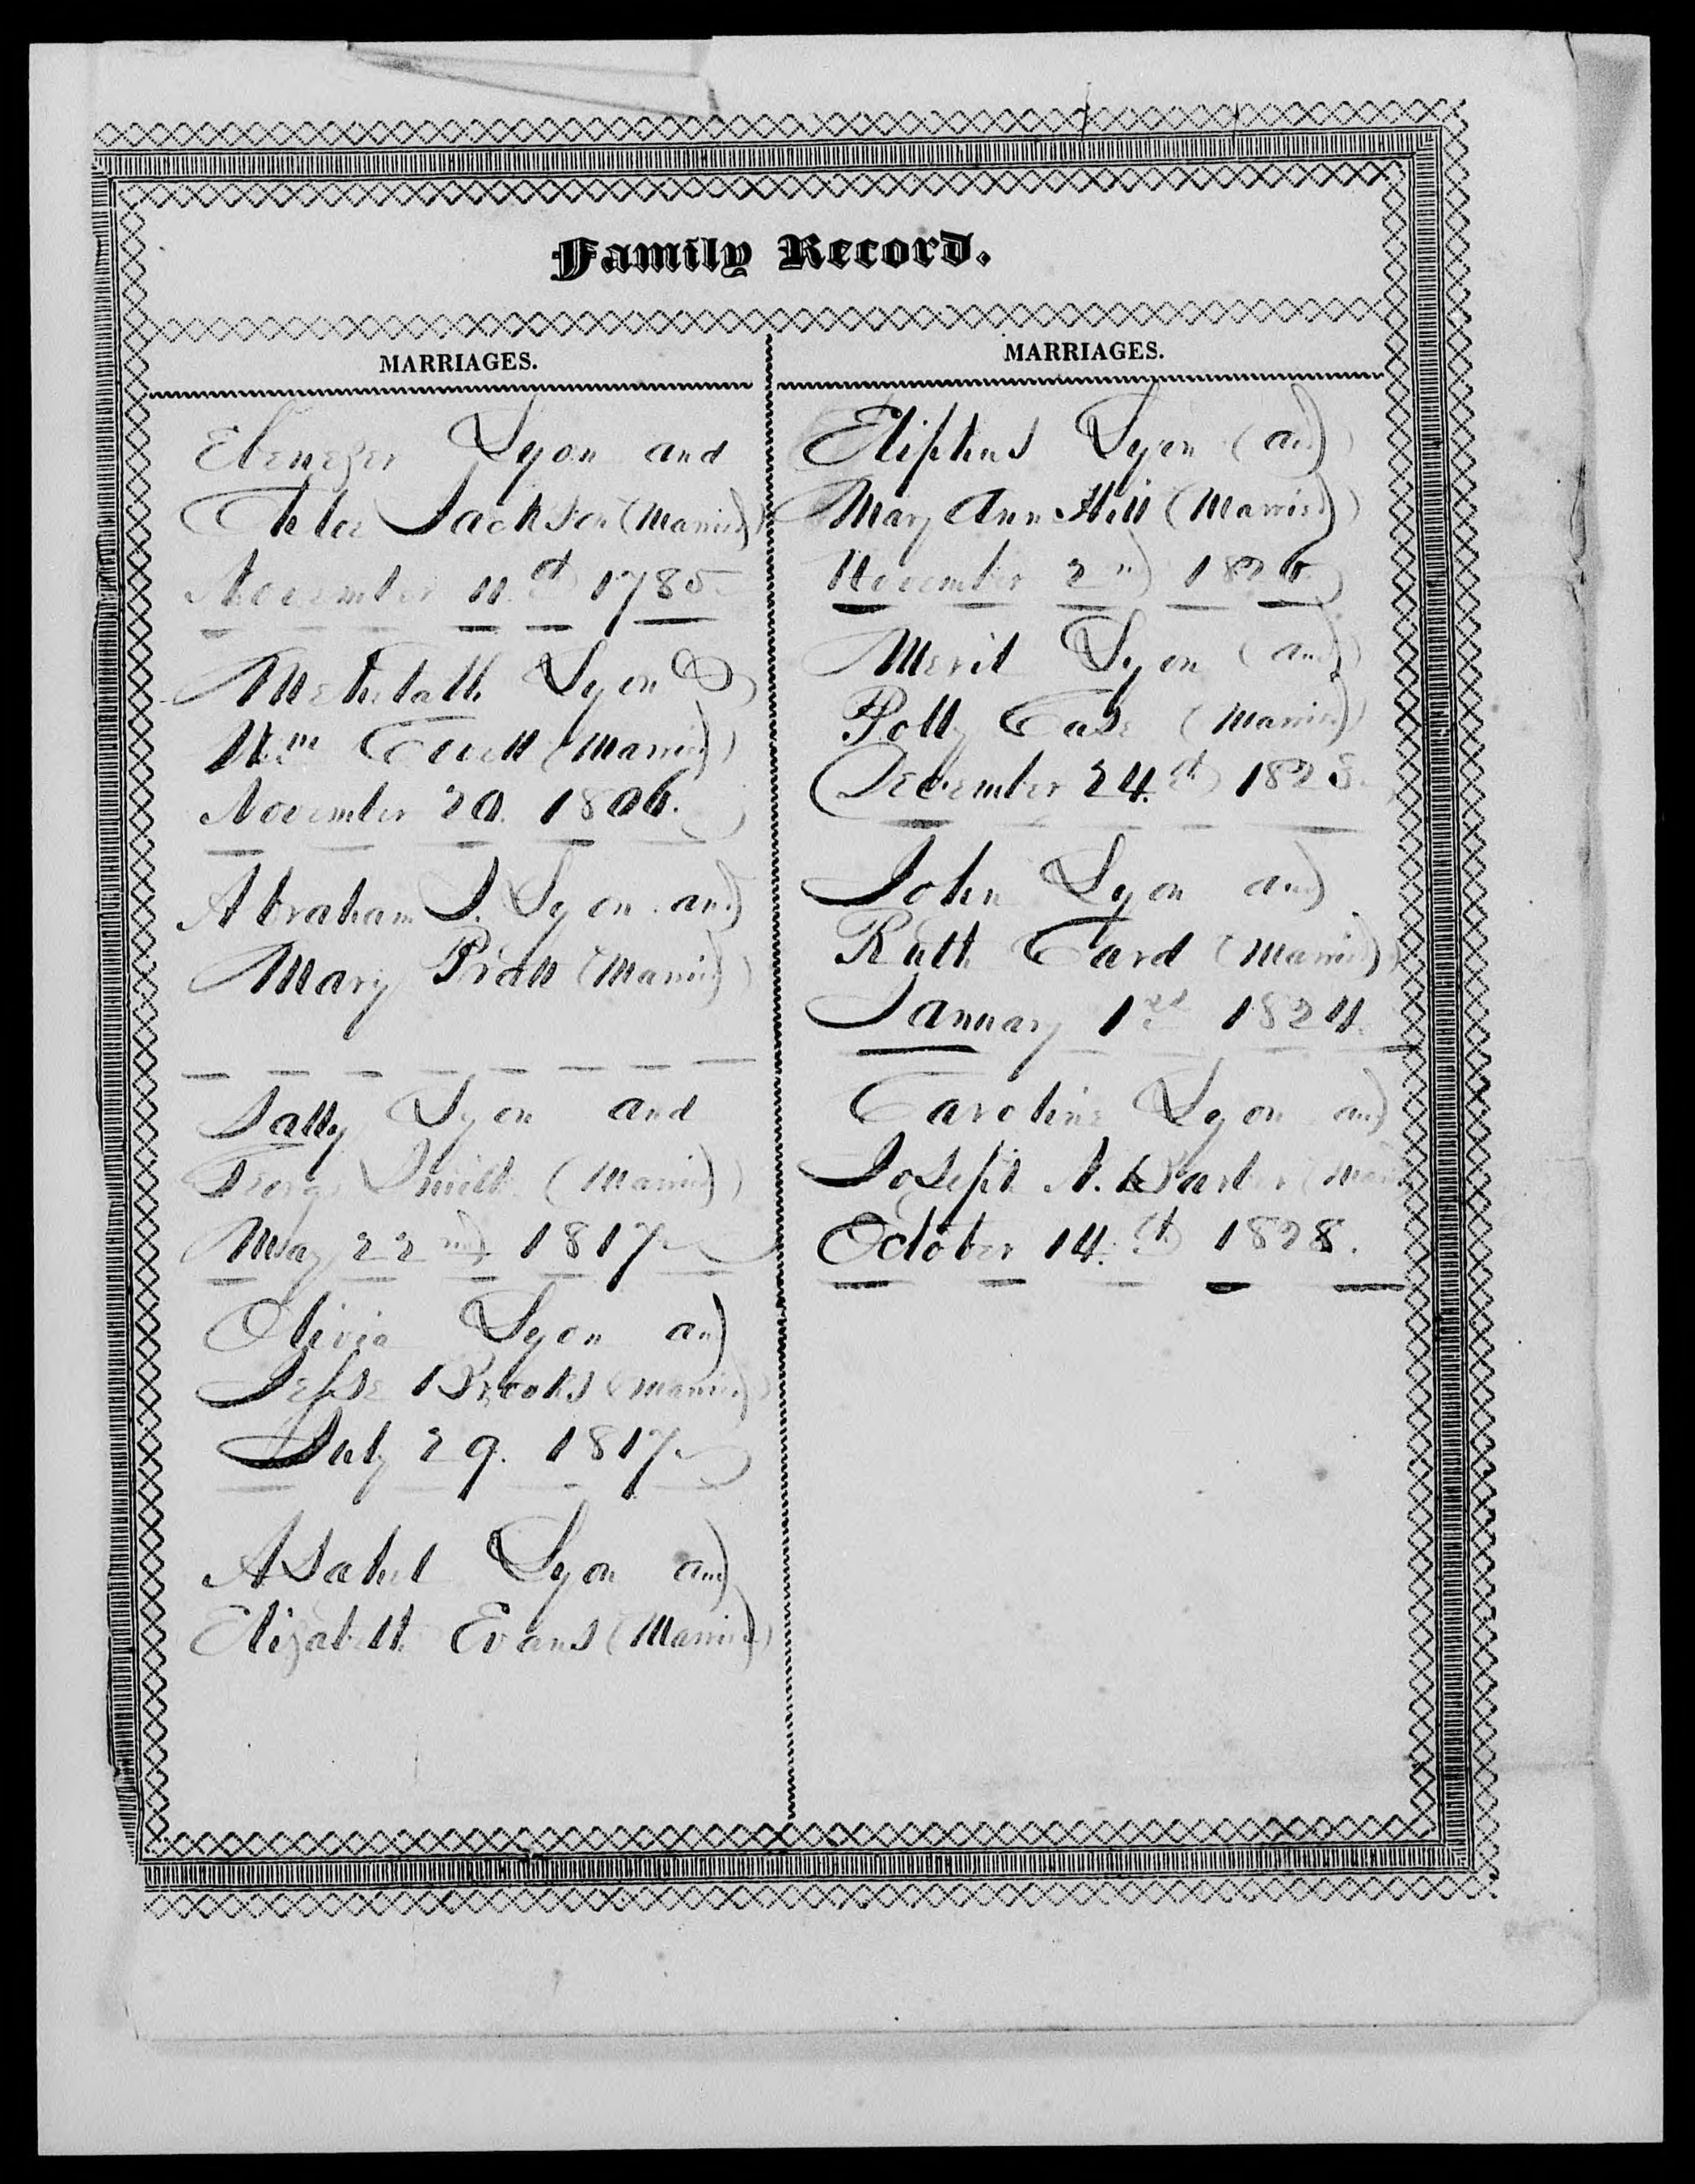Family Record.
MARRIAGES.
Ebenezer Lyon and Chloe Jackson (Married) 
November 11th 1785
Mehitable Lyon & Wm Covell (Married)
November 20. 1806.
Abraham J. Lyon and Mary Pratt (Married)
Sally Lyon and George Smith (Married)
May 22nd 1817
Olivia Lyon and Jesse Brooks (Married)
July 29. 1817
Asahel Lyon and Elizabeth Evans (Married)
MARRIAGES.
Eliphas Lyon (and) Mary Ann Hill (Married)
November 2nd 1820
Meril Lyon (and) Polly Case (Married)
December 24th 1823
John Lyon and Ruth Card (Married)
January 1st 1824.
Caroline Lyon and Joseph N. Barber (Married)
October 14th 1828.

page: 3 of 40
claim: widow's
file: W. 24,615, for Ebenezer Lyon, Connecticut